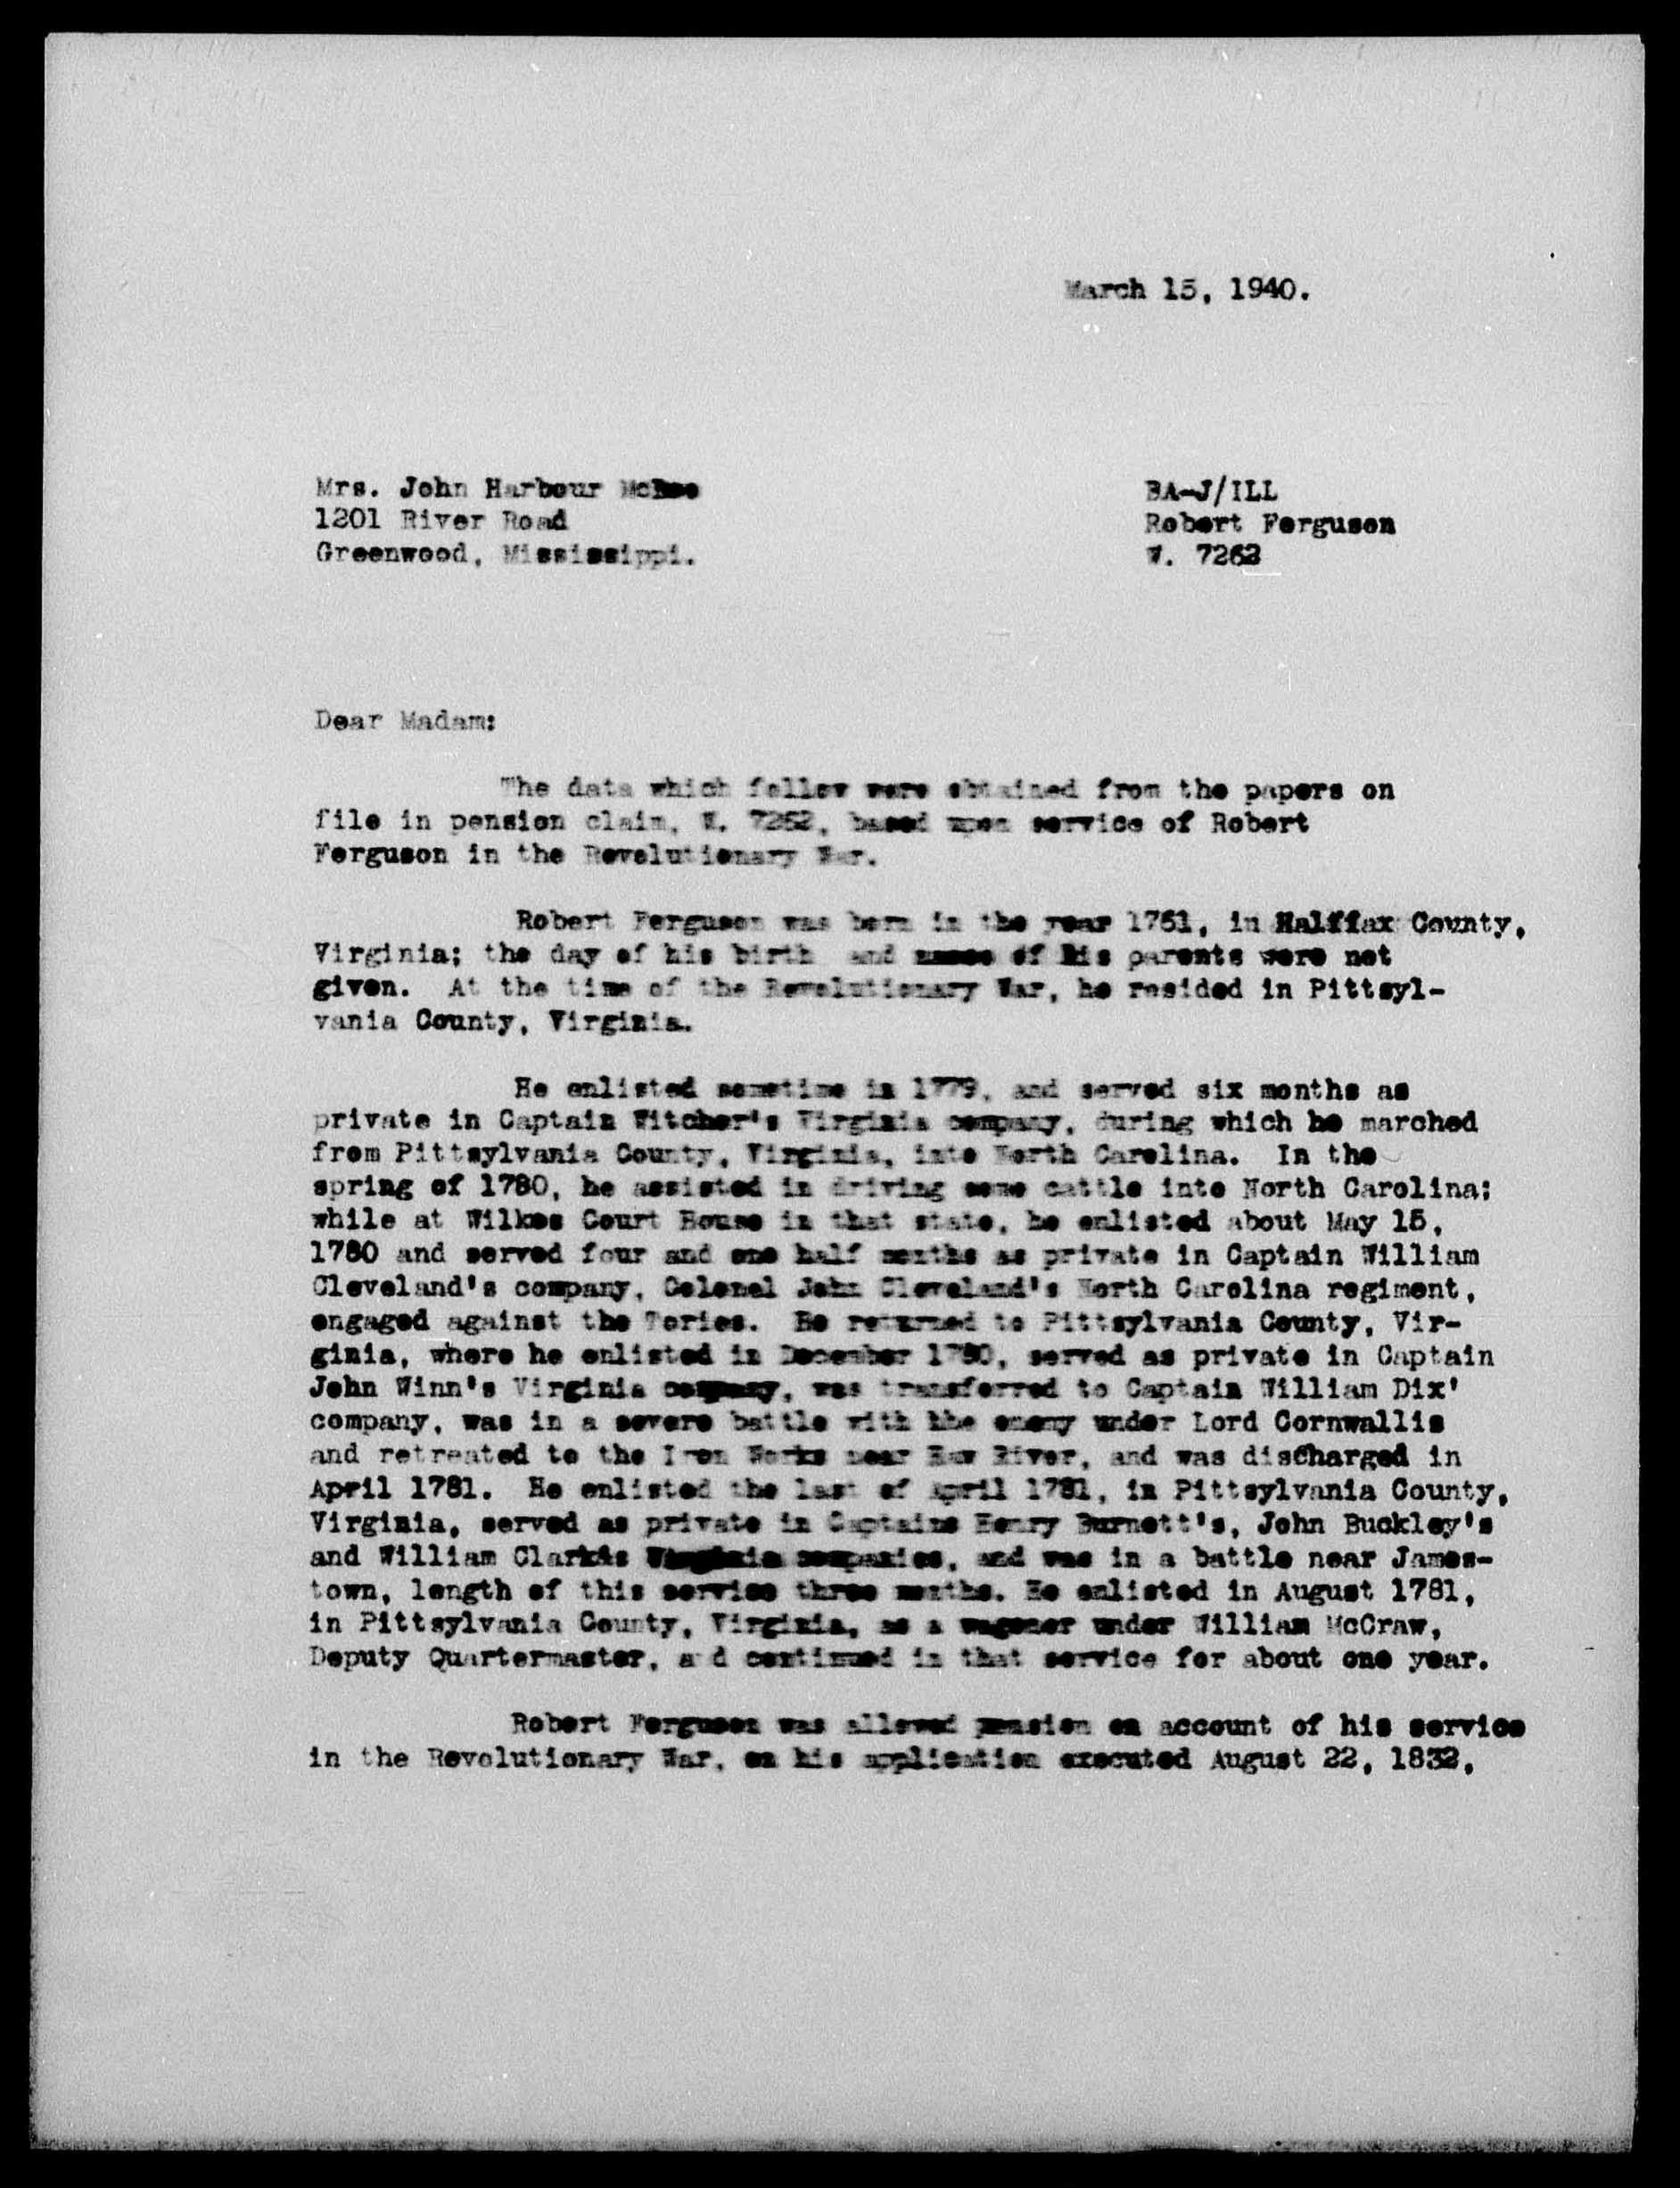Mrs. John Harbour McBee
1201 River Road
Greenwood, Mississippi.

March 15, 1940.
BA-J/ILL
Robert Ferguson
W. 7262
Dear Madam:
The data which follow were obtained from the papers on
file in pension claim, W. 7252, based on service of Robert
Ferguson in the Revolutionary War.
Robert Ferguson was born in the year 1761, in Halifax County,
Virginia; the day of his birth and names of his parents were not
given. At the time of the Revolutionary War, he resided in Pittsylvania
County, Virginia.
He enlisted sometime in 1779, and served six months as
private in Captain Fitcher's Virginia company, during which he marched
from Pittsylvania County, Virginia, into North Carolina. In the
spring of 1780, he assisted in driving some cattle into North Carolina;
while at Wilkes Court House in that state, he enlisted about May 15,
1780 and served four and one half months as private in Captain William
Cleveland's company, Colonel John Cleveland's North Carolina regiment,
engaged against the Tories. He returned to Pittsylvania County, Virginia
, where he enlisted in December 1780, served as private in Captain
John Winn's Virginia company, was transferred to Captain William Dix'
company, was in a severe battle with the enemy under Lord Cornwallis
and retreated to the Iron Works near [illegible] River, and was discharged in
April 1781. He enlisted the last of April 1781, in Pittsylvania County,
Virginia, served as private in Captains Henry Burnett's, John Buckley's
and William Clark's Virginia companies, and was in a battle near Jamestown, length of this service three months. He enlisted in August 1781,
in Pittsylvania County, Virginia, as a wagoner under William McCraw,
Deputy Quartermaster, and continued in that service for about one year.
Robert Ferguson was allowed pension on account of his service
in the Revolutionary War, on his application executed August 22, 1832,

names: Robert Ferguson, Robert Ferguson, Robert Ferguson, Robert Ferguson, William Mc Craw, John Harbour Mc Bee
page: 21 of 81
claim: widow's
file: W. 7262, Robert Ferguson, Va.